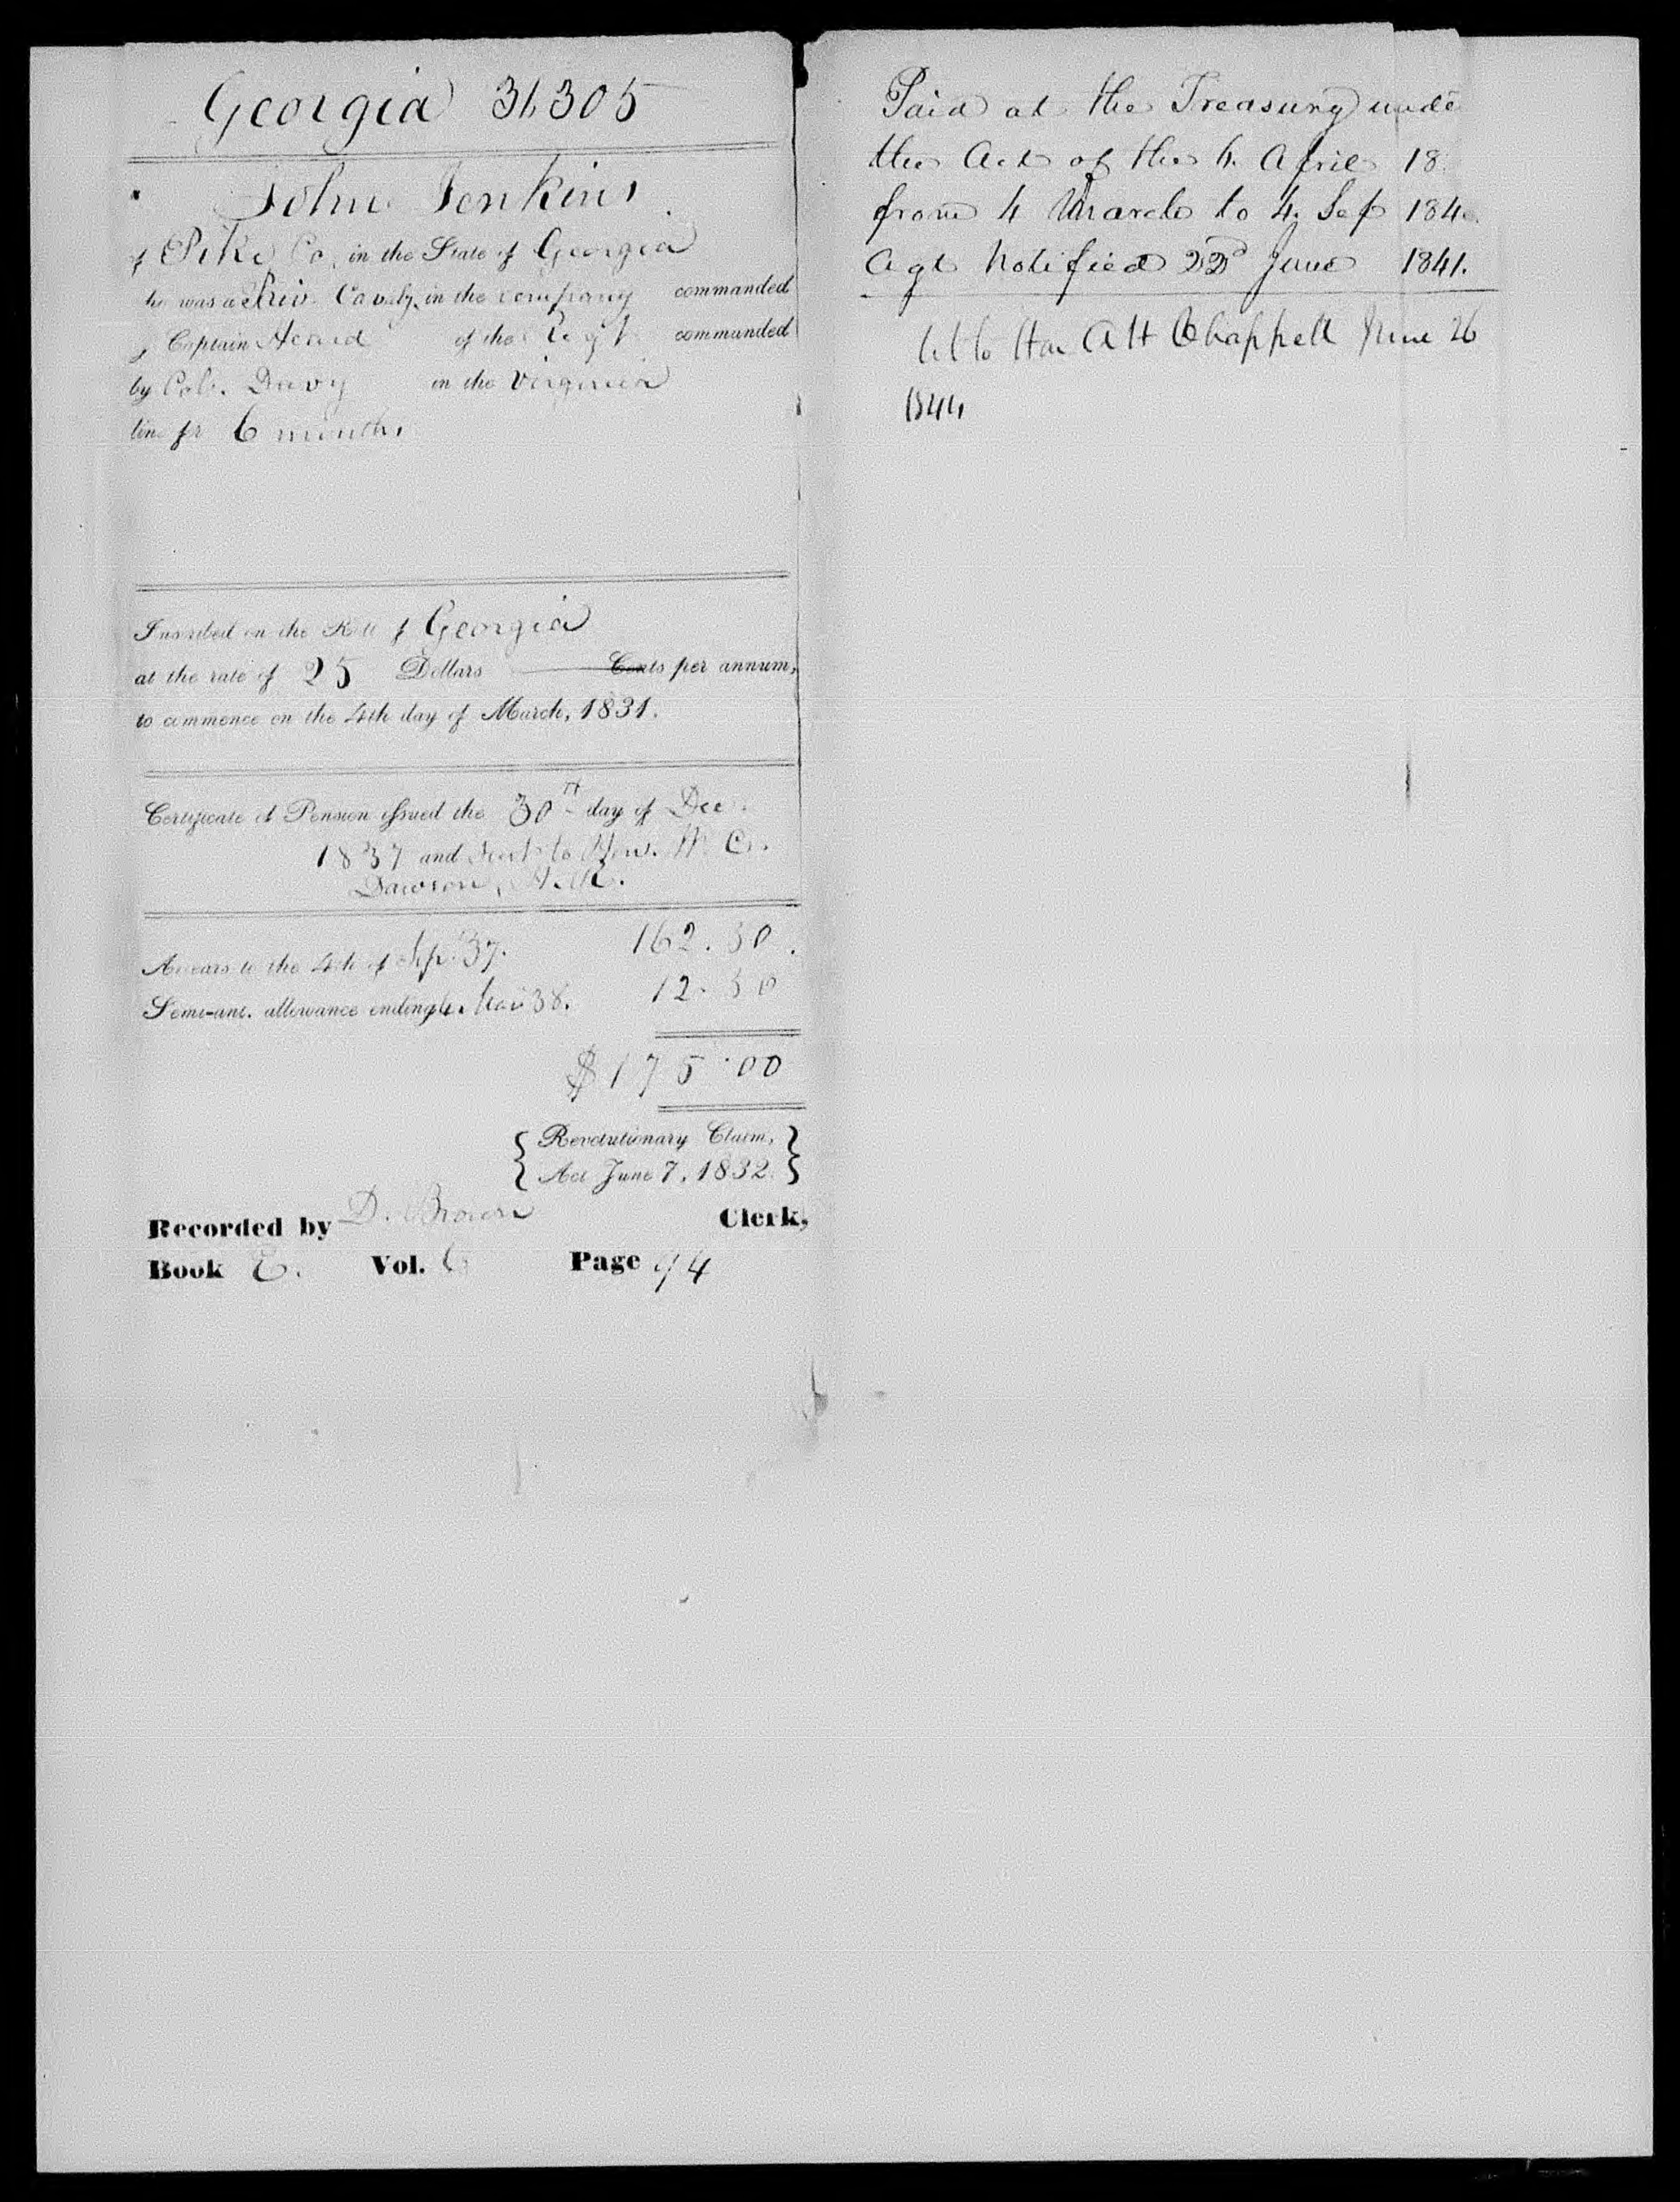Georgia 31,305
John Jenkins
of Pike Co. in the State of Georgia
who was a Priv. Cavalry was in the company
commanded by Captain Heard of the Reg commanded by Col. Davy in the Virginia
line for 6 months
Inscribed in the Roll of Georgia
at the rate of 25 Dollars  Cents per annum,
to commence on the 4th day of March, 1831.
Certificate of Pension issued the 30th day of Dec. 1837 and sent to Hon W.C. Dawson, [illegible]
Arrears to the 4th of Sep. 37  162.50
Semi-ant. allowance ending Nov 38  12.50
$175.00
Revolutionary Claim,
Act June 7, 1832
Recorded by D. Brown Clerk,
Book E Vol. 6 Page 74
Paid at the Treasury under the
Act of the 6 April 18
from 4 March to 4 Sep 184
Agt notified 22 June 1841.
[illegible] att Chappell June 26
1844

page: 4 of 55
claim: widow's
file: W. 7894, for John Jenkins, Virginia